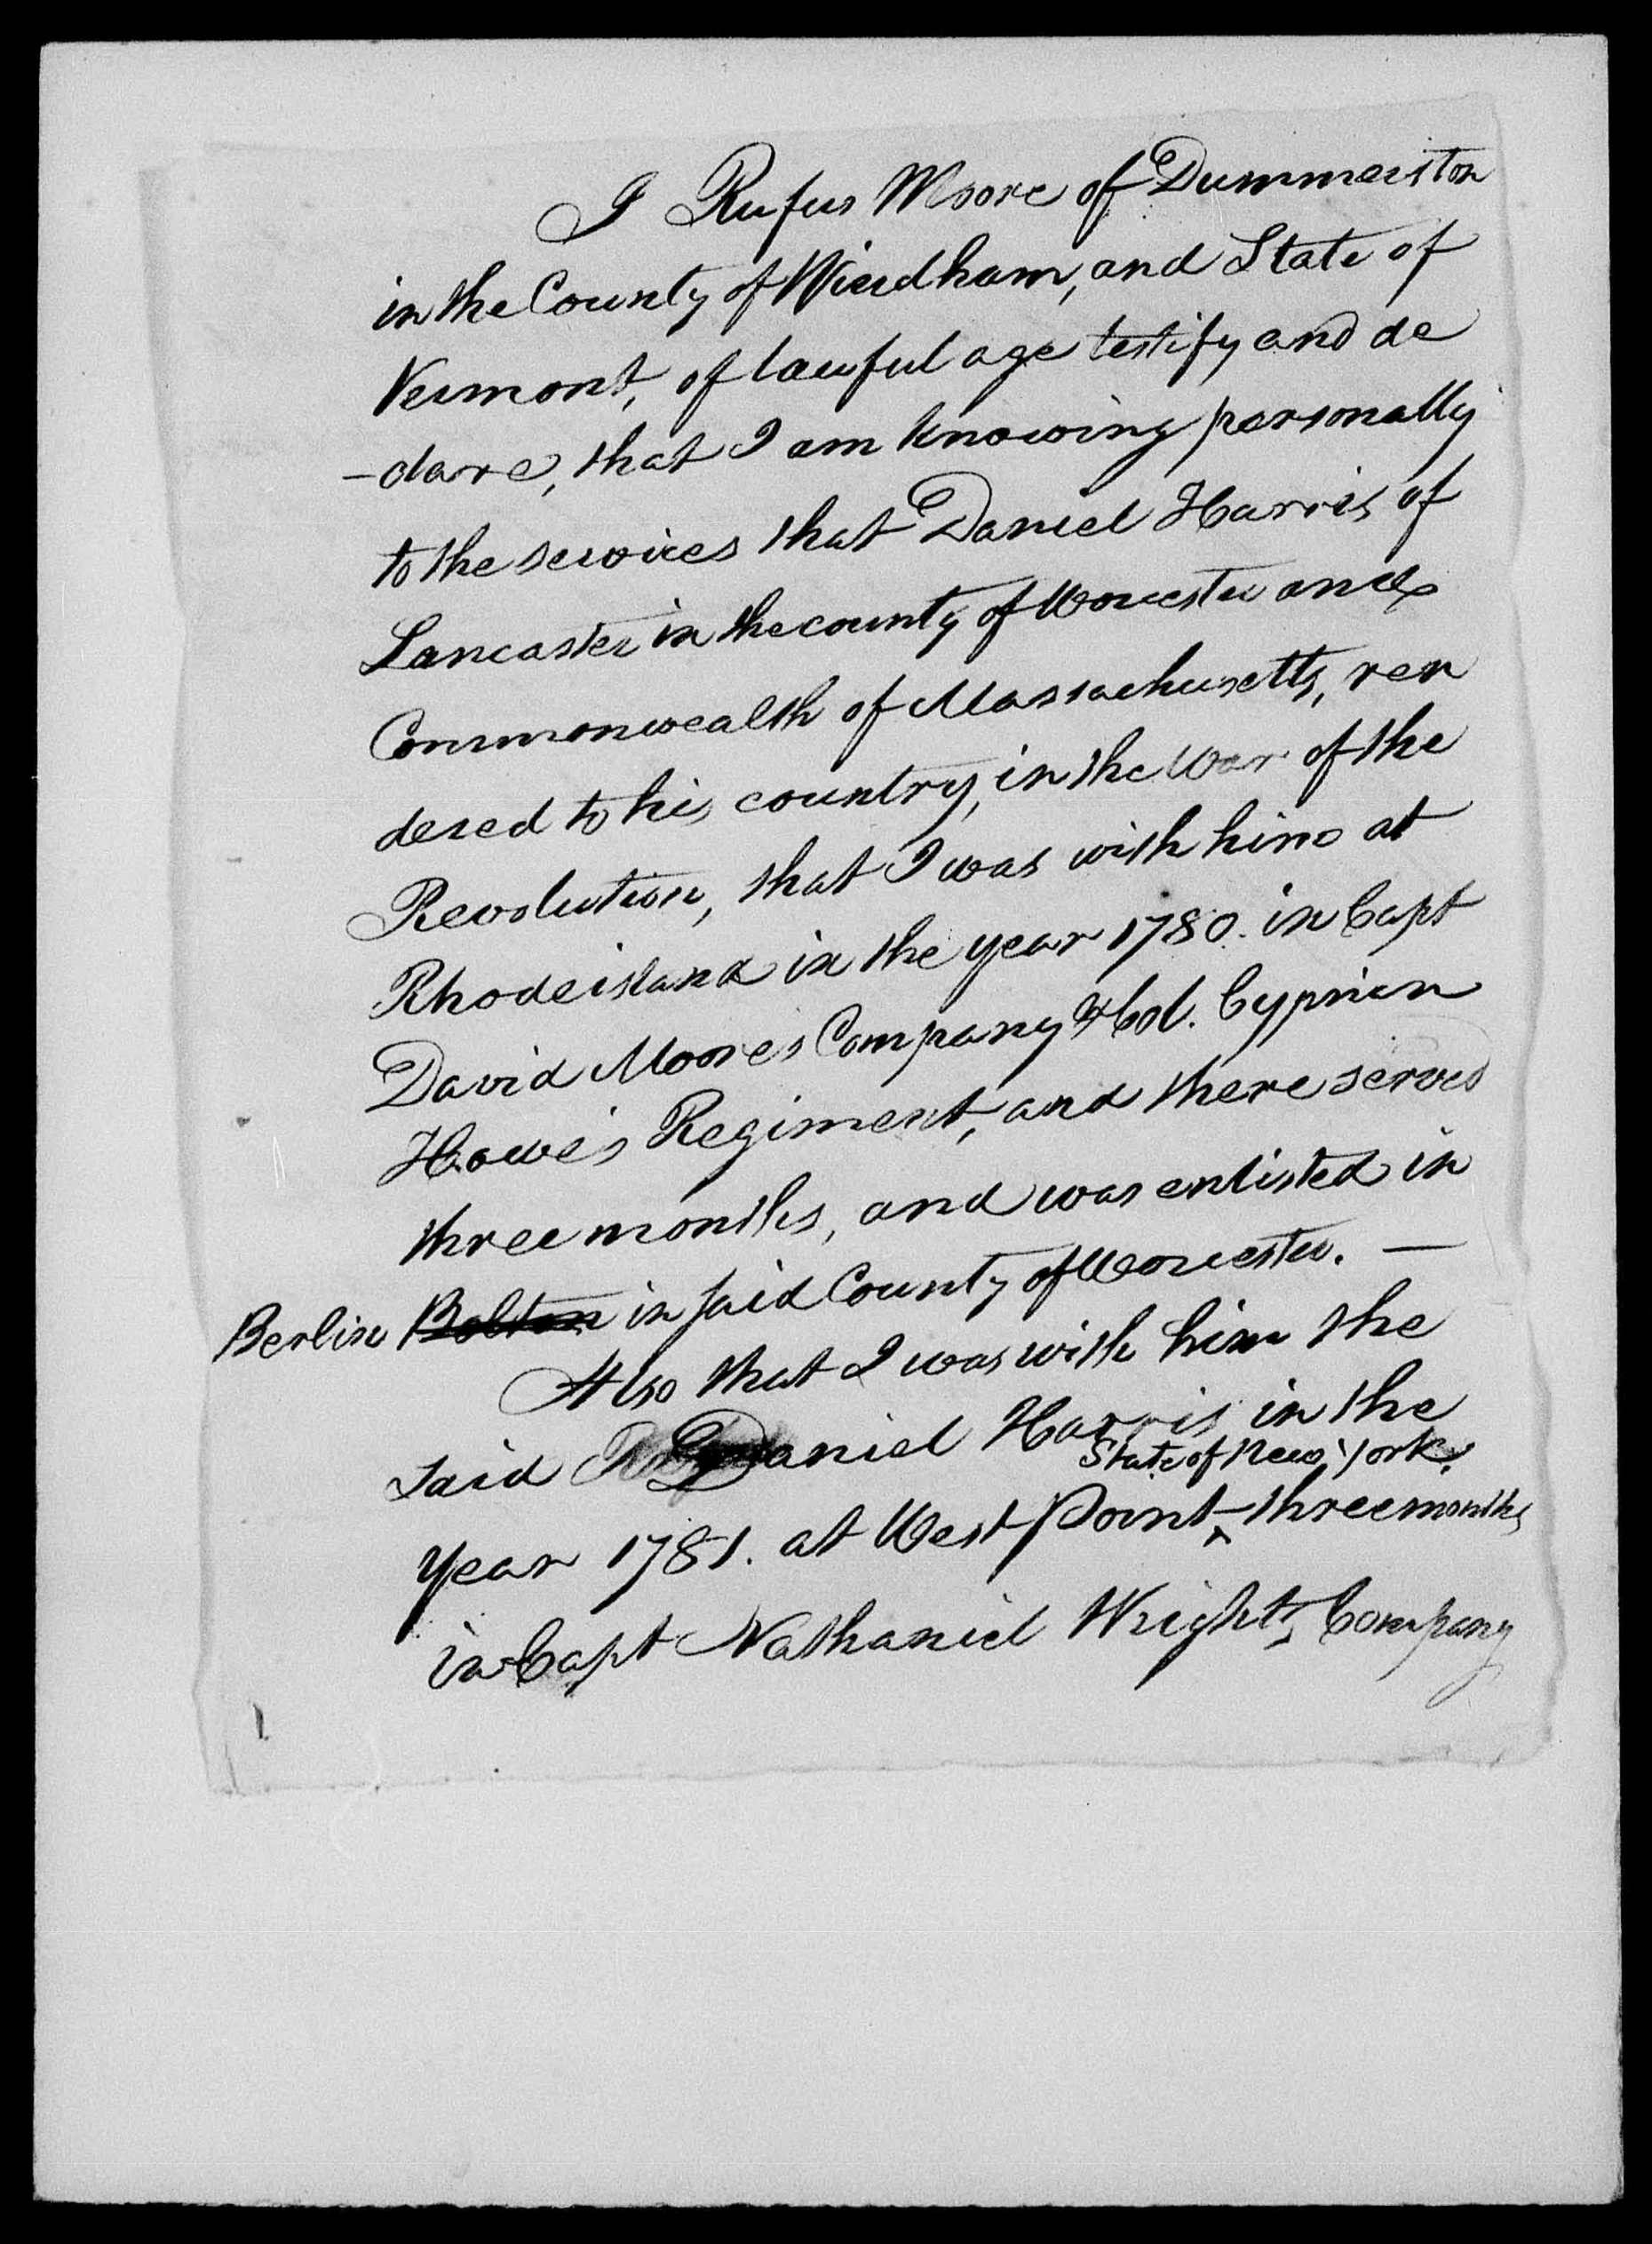I Rufus Moore of Dummerston in the County of Windham, and State of Vermont, of lawful age testify and declare, that I am knowing personally to the services that Daniel Harris of Lancaster in the county of Worcester and Commonwealth of Massachusetts rendered to his country, in the War of the Revolution, that I was with him at Rhode Island in the year 1780 in Capt David Moore's Company & Col. Cyprien Howe's  Regiment, and there serves three months, and was enlisted in Berlin in said County of Worcester. 

Also that I was with him the said Daniel Harris in the year 1781 at West Point, State of New York, three months in Capt Nathaniel Wright's Company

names: Rufus Moore, Daniel Harris, Daniel Harris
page: 15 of 68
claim: survivor's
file: S. 29,877, Daniel Harris, Mass.